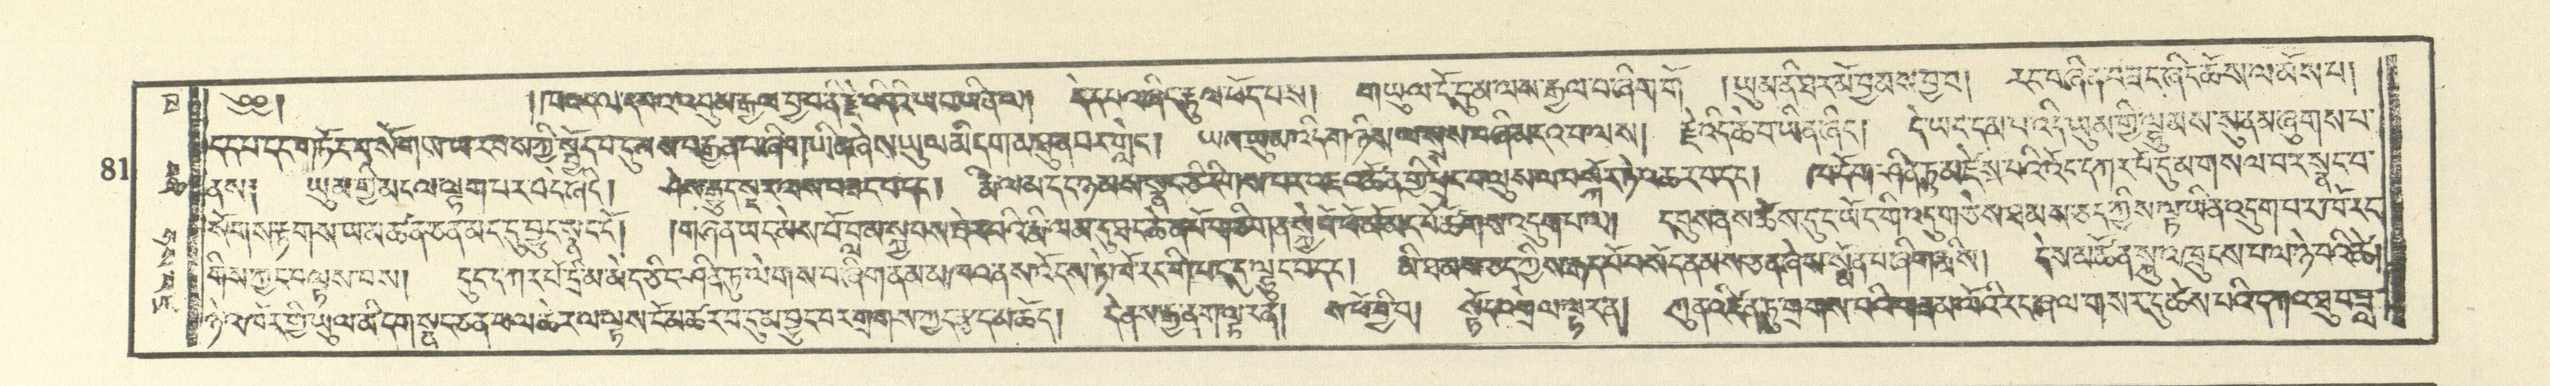༄༅། །ཁ་འདལ་དཔའ་འབུམ་རྒྱལ་བྱ་བ་ནི་རྗེ་འདིའི་ཡབ་ཡིན་ལ། དེ་དཔའ་ཞིང་རྟུལ་ཕོད་པས། གཡུལ་ངོ་དུ་མ་ལས་རྒྱལ་བ་ཞིག་གོ །ཡུམ་ནི་ཐར་མོ་བྱམས་བྱ་བ། རང་བཞིན་བཟང་ཞིང་ཆོས་ལ་མོས་པ།
དད་པ་དང་གཏོར་བ་སོགས་ཡ་རབས་ཀྱི་སྤྱོད་པ་དུ་མས་བརྒྱན་པ་ཞིག་ཡིན་ཞེས་ཡུལ་མི་དག་མཐུན་པར་གླེང་། ཡབ་ཡུམ་འདི་གཉིས་ལ་སྲས་བཞི་མངའ་བ་ལས། རྗེ་འདི་ཆེ་བ་ཡིན་ཞིང་། དེ་ཡང་དམ་པ་འདི་ཡུམ་གྱི་ལྷུམས་སུ་ནམ་ཞུགས་པ་
ནས༑ ཡུམ་གྱི་མངལ་ལྷག་པར་བདེ་ཞིང་། ཤེས་རྒྱུད་སྔར་ལས་བཟང་པ་དང་། རྨི་ལམ་དང་ཉམས་སྣང་ཅི་རིགས་པར་འཇའ་ཚོན་གྱི་ཕྲེང་བ་ལུས་ལ་བསྐོར་ཏེ་འཆར་བ་དང་། ཁ་དོག་ཤིན་ཏུ་མཛེས་པའི་འོད་དཀར་པོ་དུ་མ་གསལ་བར་སྣང་བ་
སོགས་རྟགས་ཡ་མཚན་ཅན་མང་དུ་བྱུང་སྣང་ངོ། །གཞན་ཡང་མེས་པོ་བླ་མ་སྐྱབས་ཟེར་བའི་རྨི་ལམ་དུ་ཐང་ཆེན་པོ་གཅིག་ན་སྐྱེ་པོ་ཕོ་མོ་མང་པོ་ཚོགས་འདུག་པ་ལ། དབུས་ནས་ཆོས་དུང་ཡོང་གི་འདུག་ཅེས་ཐམས་ཅད་ཀྱིས་ལྟ་ཡིན་འདུག་བར་ཁོ་རང་
གིས་ཀྱང་བལྟས་བས། དུང་དཀར་པོ་དྲི་མ་མེད་ཅིང་ཤིན་ཏུ་ལེགས་བ་ཞིག་ནམ་མཁའ་ནས་འོངས་ཏེ་ཁོ་རང་གི་པད་དུ་ལྷུང་བ་དང་། མི་ཐམས་ཅད་ཀྱིས་རྒད་པོ་བསོད་ནམས་ཅན་ཞེས་སྨོན་པ་ཞིག་རྨིས། དེས་མ་ཚོན་སྐུ་འཁྲུངས་པ་ལ་ཉེ་བའི་ཚེ།
ཉེ་འཁོར་གྱི་ཡུལ་མི་དག་སྣང་ཅན་ཕལ་ཆེར་ལ་ལྟས་ངོ་མཚར་བ་དུ་མ་བྱུང་བར་གྲགས་ཀྱང་རྩད་མ་ཆོད། དེ་ནས་རྒྱ་ནག་ལྟར་ན། ས་ཕོ་བྱི་བ། སྟོང་འགྲེལ་ལྟར་ན། ཀུན་འཛིན་ཏུ་གྲགས་པའི་གནམ་ལོའི་རང་ཞལ་གསར་དུ་ཚེས་པའི་དཀའ་ཐུབ་ཟླ་